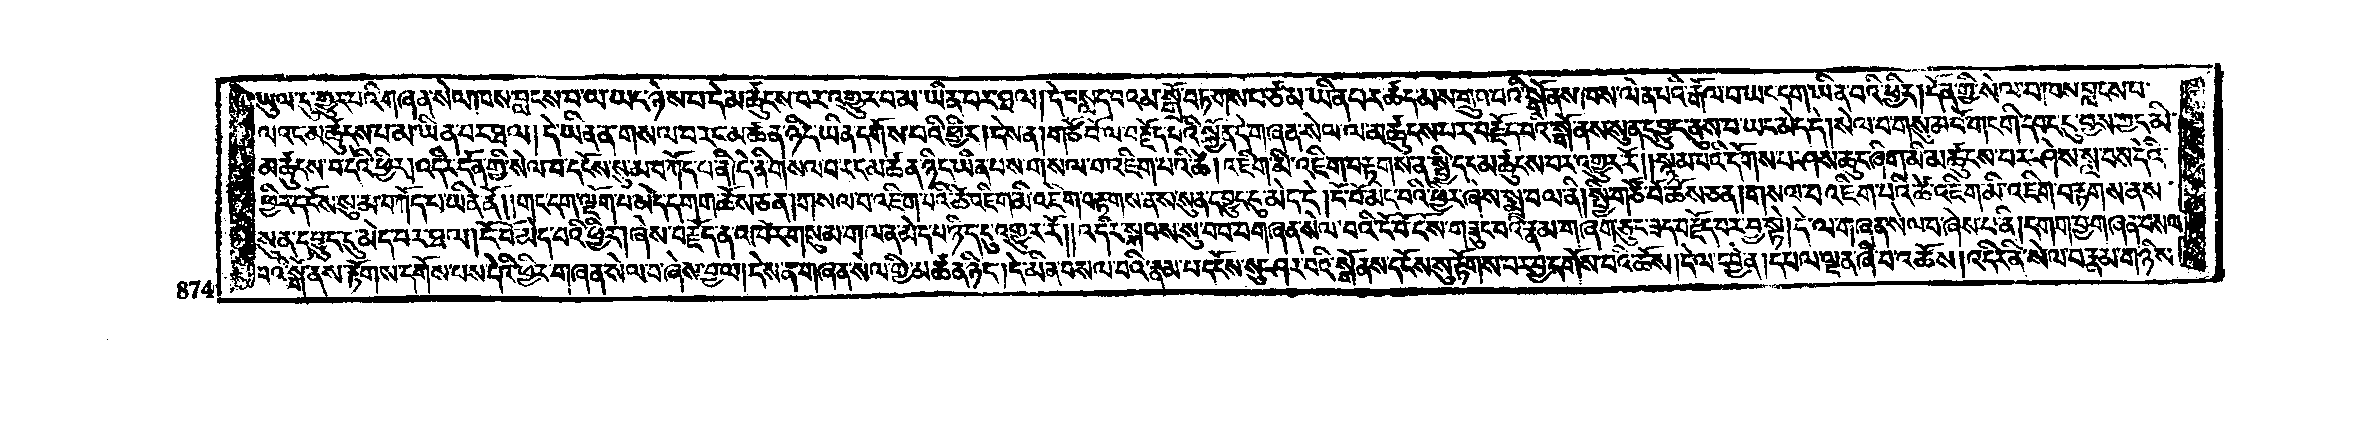ཡུལ་དུ་གྱུར་པའི་གཞན་སེལ་ཁས་བླངས་བ་ལ་ཡང་ཉེས་པ་དེ་མཚུངས་བར་འགྱུར་བ་མ་ཡིན་པར་ཐལ། དེ་བསླད་བའམ་སྒྲོ་བཏགས་པ་ཙམ་ཡིན་པར་ཚད་མས་གྲུབ་པའི་སྒོ་ནས་ཁས་ལེན་པའི་རྒོལ་བ་ཡང་དག་ཡིན་པའི་ཕྱིར། དོན་གྱི་སེལ་བ་ཁས་བླངས་པ་
ལའང་མཚུངས་པ་མ་ཡིན་པར་ཐལ། དེ་ཡིན་ན་གསལ་བ་རང་མཚན་ཉིད་ཡིན་དགོས་པའི་ཕྱིར། དེས་ན། གཙོ་བོ་ལ་བརྗོད་པའི་སྐྱོན་དེ་གཞན་སེལ་ལ་མཚུངས་པར་བརྗོད་བའི་སྒོ་ནས་སུམ་དབྱུང་ནུས་པ་ཡང་མེད་དེ། སེལ་བ་གསུམ་པོ་གང་གི་དབང་དུ་བྱས་ཀྱང་མི་
མཚུངས་པ་དེའི་ཕྱིར། འདིར་དོན་གྱི་སེལ་བ་དངོས་སུ་མ་བཀོད་པ་ནི། དེ་ནི་གསལ་བ་རྣག་མཚན་ཉིད་ཡིན་པས་གསལ་བ་འཇིག་པའི་ཚེ། འཇིག་མི་འཇིག་བརྟགས་ན་སྤྱི་དང་མཚུངས་པར་འགྱུར་རོ། །སྙམ་པའི་དོགས་པ་ཤས་ཆུང་ཞིག་མི་མཚུངས་པར་ཤེས་སླ་བས་དེའི་
ཕྱིར་དངོས་སུ་མ་བཀོད་པ་ཡིན་ནོ། །གང་དག་ལྡོག་པ་མེད་དགག་ཆོས་ཅན། གསལ་བ་འཇིག་པའི་ཚེ་འཇིག་མི་འཇིག་བརྟགས་ནས་སུན་དབྱུང་དུ་མེད་དེ། ངོ་བོ་མེད་པའི་ཕྱིར་ཞེས་སྨྲ་བ་ལ་ནི། སྤྱི་གཙོ་བོ་ཆོས་ཅན། གསལ་བ་འཇིག་པའི་ཚེ་འཇིག་མི་འཇིག་བརྟགས་ནས་
སུན་དབྱུང་དུ་མེད་པར་ཐལ། ངོ་བོ་མེད་པའི་ཕྱིར། ཞེས་བརྗོད་ན་འཁོར་གསུམ་ག་ལན་མེད་པ་ཉིད་དུ་འགྱུར་རོ། །འདིར་སྐབས་སུ་བབ་པ་གཞན་སེལ་བའི་ངོ་བོ་ངོས་གཟུང་བའི་རྣམ་གཞག་ཅུང་ཟད་བརྗོད་པར་བྱ་སྟེ། དེ་ལ་གཞན་སེལ་བ་ཞེས་པ་ནི། དགག་བྱ་གཞན་བསལ་
བའི་སྒོ་ནས་རྟོགས་དགོས་པས་དེའི་ཕྱིར་གཞན་སེལ་བ་ཞེས་བྱ་ལ། དེས་ན་གཞན་སེལ་གྱི་མཚན་ཉིད། དེ་མིན་བསལ་བའི་རྣམ་པ་དངོས་སུ་ཤར་བའི་སྒོ་ནས་དངོས་སུ་རྟོགས་པར་བྱ་དགོས་པའི་ཆོས། དེ་ལ་དབྱེ་ན། དཔལ་ལྡན་ཞི་བ་འཚོས། འདིར་ནི་སེལ་བ་རྣམ་གཉིས་